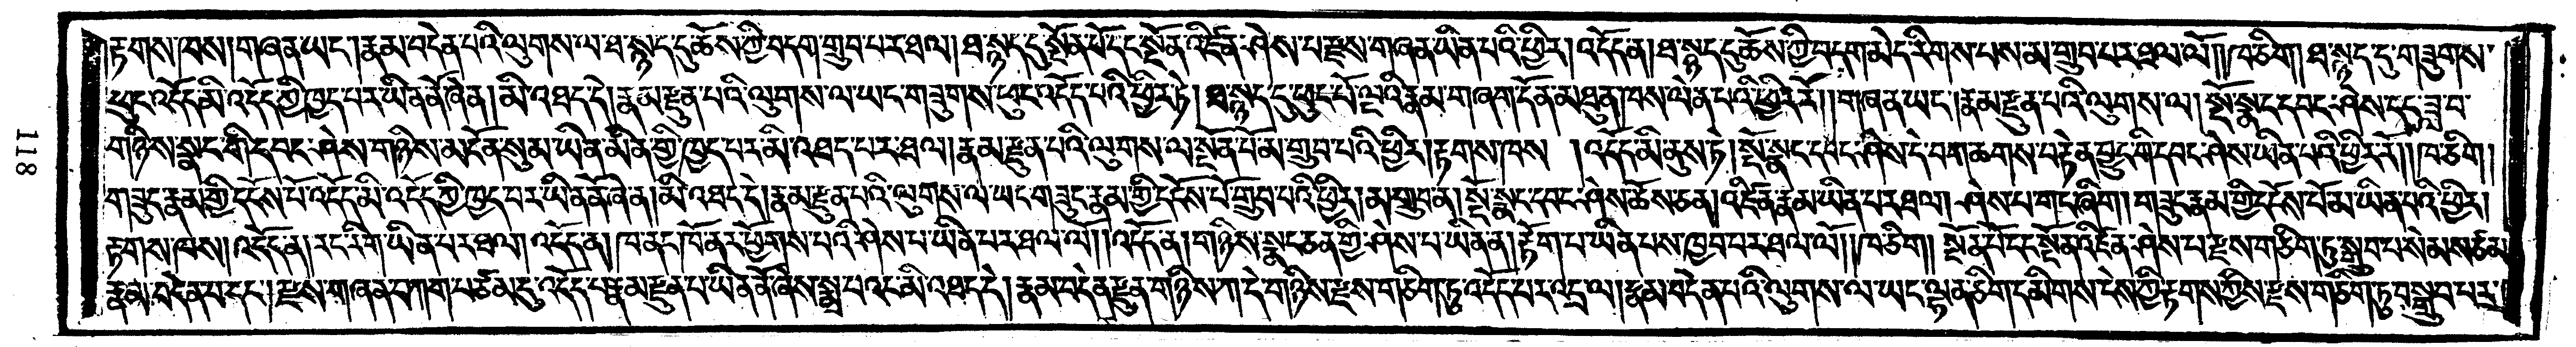རྟགས་ཁས། གཞན་ཡང་། རྣམ་བདེན་པའི་ལུགས་ལ་ཐ་སྙད་དུ་ཆོས་ཀྱི་བདག་གྲུབ་པར་ཐལ། ཐ་སྙད་དུ་སྔོན་པོ་དང་སྔོན་འཛིན་ཤེས་པ་རྫས་གཞན་ཡིན་པའི་ཕྱིར། འདོད་ན། ཐ་སྙད་དུ་ཆོས་ཀྱི་བདག་མེད་རིགས་པས་མ་གྲུབ་པར་ཐལ་ལོ། །ཁ་ཅིག ། ཐ་སྙད་དུ་གཟུགས་
ཕུང་འདོད་མི་འདོད་ཀྱི་ཁྱད་པར་ཡིན་ནོ་ཞེ་ན། མི་འཐད་དེ། རྣམ་རྫུན་པའི་ལུགས་ལ་ཡང་གཟུགས་ཕུང་འདོད་པའི་ཕྱིར་ཏེ། ཐ་སྙད་དུ་ཕུང་པོ་ལྔའི་རྣམ་གཞག་དོན་མཐུན་ཁས་ལེན་པའི་ཕྱིར་རོ། །གཞན་ཡང་། རྣམ་རྫུན་པའི་ལུགས་ལ། སྔོ་སྣང་དབང་ཤེས་དང་ཟླ་བ་
གཉིས་སྣང་གི་དབང་ཤེས་གཉིས་མངོན་སུམ་ཡིན་མིན་གྱི་ཁྱད་པར་མི་འཐད་པར་ཐལ། རྣམ་རྫུན་པའི་ལུགས་ལ་སྔོན་པོ་མ་གྲུབ་པའི་ཕྱིར། རྟགས་ཁས། འདོད་མི་ནུས་ཏེ། སྔོ་སྣང་དབང་ཤེས་དེ་བག་ཆགས་བརྟེན་བྱུང་གི་དབང་ཤེས་ཡིན་པའི་ཕྱིར་རོ། །ཁ་ཅིག །
གཟུང་རྣམ་གྱི་དངོས་པོ་འདོད་མི་འདོད་ཀྱི་ཁྱད་པར་ཡིན་ནོ་ཞེ་ན། མི་འཐད་དེ། རྣམ་རྫུན་པའི་ལུགས་ལ་ཡང་གཟུང་རྣམ་གྱི་དངོས་པོ་གྲུབ་པའི་ཕྱིར། མ་གྲུབ་ན། སྔོ་སྣང་དབང་ཤེས་ཆོས་ཅན། འཛིན་རྣམ་ཡིན་པར་ཐལ། ཤེས་པ་གང་ཞིག ། གཟུང་རྣམ་གྱི་དངོས་པོ་མ་ཡིན་པའི་ཕྱིར།
རྟགས་ཁས། འདོད་ན། རང་རིག་ཡིན་པར་ཐལ། འདོད་ན། ཁ་ནང་ཁོ་ནར་ཕྱོགས་པའི་ཤེས་པ་ཡིན་པར་ཐལ་ལོ། །འདོད་ན། གཉིས་སྣང་ཅན་གྱི་ཤེས་པ་ཡིན་ན། རྟོག་པ་ཡིན་པས་ཁྱབ་པར་ཐལ་ལོ། །ཁ་ཅིག ། སྔོན་?་པོ་དང་སྔོན་འཛིན་ཤེས་པ་རྫས་གཅིག་ཏུ་སྒྲུབ་པ་སེམས་ཙམ་
རྣམ་བདེན་པ་དང་། རྫས་གཞན་བཀག་པ་ཙམ་དུ་འདོད་པ་རྣམ་རྫུན་པ་ཡིན་ནོ་ཞེས་སྨྲ་བའང་མི་འཐད་དེ། རྣམ་བདེན་རྫུན་གཉིས་ཀ་དེ་གཉིས་རྫས་གཅིག་ཏུ་འདོད་པར་འདྲ་ལ། རྣམ་བདེན་པའི་ལུགས་ལ་ཡང་ལྷན་ཅིག་དམིགས་ངེས་ཀྱི་རྟགས་ཀྱིས་རྫས་གཅིག་ཏུ་བསྒྲུབ་པར་